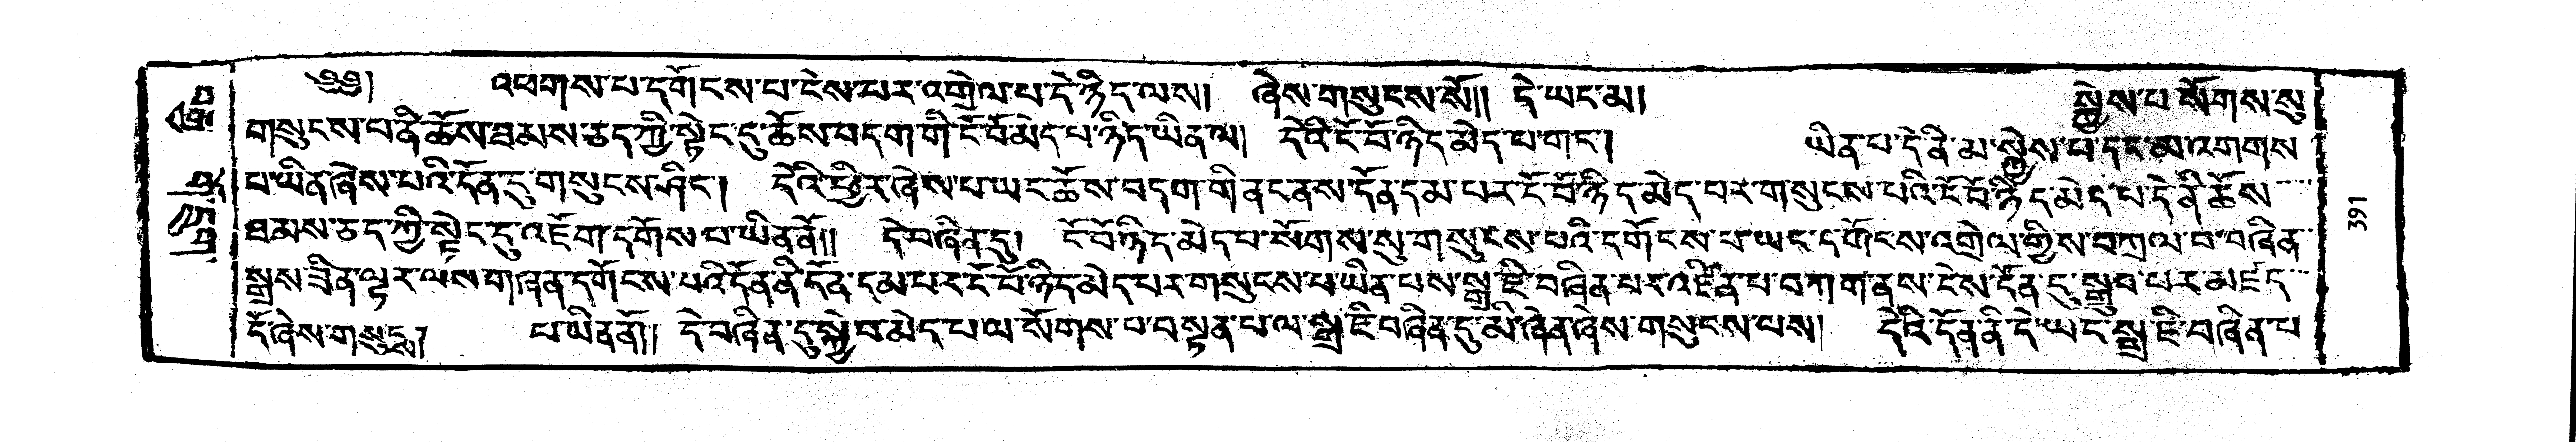༄༅། །འཕགས་པ་དགོངས་པ་ངེས་པར་འགྲེལ་པ་དེ་ཉིད་ལས། ཞེས་གསུངས་སོ། །དེ་ཡང་མ། སྐྱེས་པ་སོགས་སུ་
གསུངས་པ་ནི་ཆོས་ཐམས་ཅད་ཀྱི་སྟེང་དུ་ཆོས་བདག་གི་ངོ་བོ་མེད་པ་ཉིད་ཡིན་ལ། དེའི་ངོ་བོ་ཉིད་མེད་པ་གང་། ཡིན་པ་དེ་ནི་མ་སྐྱེས་པ་དང་མ་འགགས་
པ་ཡིན་ཞེས་པའི་དོན་དུ་གསུངས་ཤིང་། དེའི་ཕྱིར་ཞེས་པ་ཡང་ཆོས་བདག་གི་ནང་ནས་དོན་དམ་པར་ངོ་བོ་ཉིད་མེད་པར་གསུངས་པའི་ངོ་བོ་ཉིད་མེད་པ་དེ་ནི་ཆོས་
ཐམས་ཅད་ཀྱི་སྟེང་དུ་འཇོག་དགོས་པ་ཡིན་ནོ།། དེ་བཞིན་དུ། ངོ་བོ་ཉིད་མེད་པ་སོགས་སུ་གསུངས་པའི་དགོངས་པ་ཡང་དགོངས་འགྲེལ་གྱིས་བཀྲལ་བ་བཞིན་
སྒྲས་ཟིན་ལྟར་ལས་གཞན་དགོངས་པའི་དོན་ནི་དོན་དམ་པར་ངོ་བོ་ཉིད་མེད་པར་གསུངས་པ་ཡིན་པས་སྒྲ་ཇི་བཞིན་པར་འཛིན་པ་བཀག་ནས་ངེས་དོན་དུ་སྒྲུབ་པར་མཛད་
དོ་ཞེས་གསུངས། པ་ཡིན་ནོ།། དེ་བཞིན་དུ་སྐྱེ་བ་མེད་པ་ལ་སོགས་པ་བསྟན་པ་ལ་སྒྲ་ཇི་བཞིན་དུ་མི་ཞེན་ཞེས་གསུངས་པས། དེའི་དོན་ནི་དེ་ཡང་སྒྲ་ཇི་བཞིན་པ་